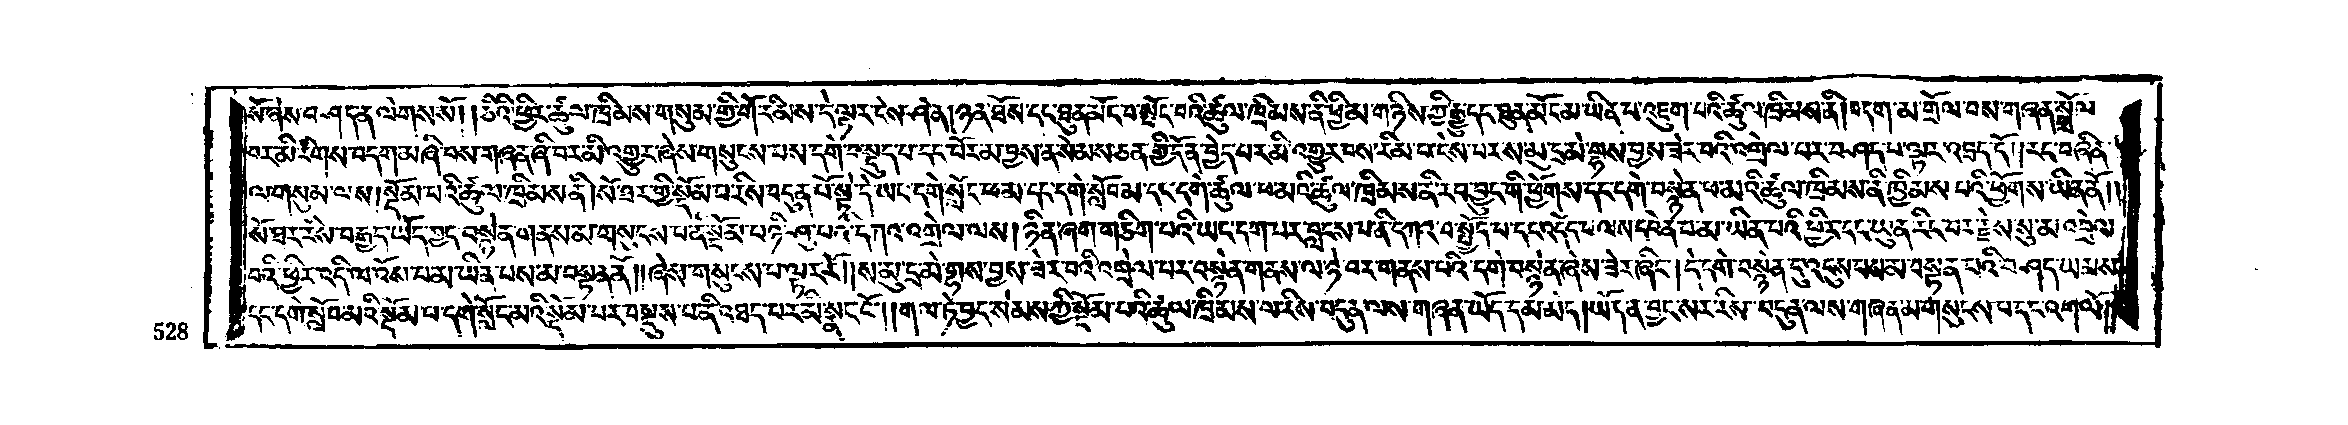སོ་ཞེས་བཤད་ན་ལེགས་སོ། །ཅིའི་ཕྱིར་ཚུལ་ཁྲིམས་གསུམ་གྱི་གོ་རིམས་དེ་ལྟར་ངེས་ཤེ་ན། ཉན་ཐོས་དང་ཐུན་མོང་བ་སྤོང་བའི་ཚུལ་ཁྲིམས་ནི་ཕྱི་མ་གཉིས་ཀྱི་རྒྱུ་དང་ཐུན་མོང་མ་ཡིན་པ་འཇུག་པའི་ཚུལ་ཁྲིམས་ནི། བདག་མ་གྲོལ་བས་གཞན་སྒྲོལ་
བར་མི་རིགས་བདག་མ་ཞི་བས་གཞན་ཞི་བར་མི་འགྱུར་ཞེས་གསུངས་པས་དགེ་བ་སྡུད་པ་དང་པོར་མ་བྱས་ན་སེམས་ཅན་གྱི་དོན་བྱེད་པར་མི་འགྱུར་བས་རིམ་པ་ངེས་པར་ས་མུ་དྲ་མེ་གྷས་བྱས་ཟེར་བའི་འགྲེལ་པར་བཤད་པ་ལྟར་འཐད་དོ། །རང་བཞིན་
ལ་གསུམ་ལས། སྡོམ་པའི་ཚུལ་ཁྲིམས་ནི། སོ་ཐར་གྱི་སྡོམ་པ་རིས་བདུན་པོ་སྟེ་དེ་ཡང་དགེ་སློང་ཕ་མ་དང་དགེ་སློབ་མ་དང་དགེ་ཚུལ་ཕ་མའི་ཚུལ་ཁྲིམས་ནི་རབ་བྱུང་གི་ཕྱོགས་དང་དགེ་བསྙེན་ཕ་མའི་ཚུལ་ཁྲིམས་ནི་ཁྱིམས་པའི་ཕྱོགས་ཡིན་ནོ། །
སོ་ཐར་རིས་བརྒྱད་ཡོད་ཀྱང་བསྙེན་གནས་མ་གསུངས་པ་ནི་སྡོམ་པ་ཉི་ཤུ་པའི་དཀའ་འགྲེལ་ལས། ཉིན་ཞག་གཅིག་པའི་ཡང་དག་པར་བླངས་པ་ནི་དཀའ་བ་སྤྱོད་པ་དང་འདོད་པ་ལས་དབེན་པ་མ་ཡིན་པའི་ཕྱིར་དང་ཡུན་རིང་བར་རྗེས་སུ་མ་འབྲེལ་
བའི་ཕྱིར་འདི་ལ་འོས་པ་མ་ཡིན་པས་མ་བསྟན་ནོ། །ཞེས་གསུངས་པ་ལྟར་རོ། །ས་མུ་དྲ་མེ་གྷས་བྱས་ཟེར་བའི་འགྲེལ་པར་བསྙེན་གནས་ལ་ཉེ་བར་གནས་པའི་དགེ་བསྙེན་ཞེས་ཟེར་ཞིང་། དེ་དགེ་བསྙེན་དུ་འདུས་པས་མ་བསྟན་པའི་བཤད་ཡམས་
དང་དགེ་སློབ་མའི་སྡོམ་པ་དགེ་སློང་མའི་སྡོམ་པར་བསྡུས་པ་ནི་འཐད་པར་མི་སྣང་ངོ། །གལ་ཏེ་བྱང་སེམས་ཀྱི་སྡོམ་པའི་ཚུལ་ཁྲིམས་ལ་རིས་བདུན་ལས་གཞན་ཡོད་དམ་མེད། ཡོད་ན་བྱང་སར་རིས་བདུན་ལས་གཞན་མ་གསུངས་པ་དང་འགལ་ལོ། །